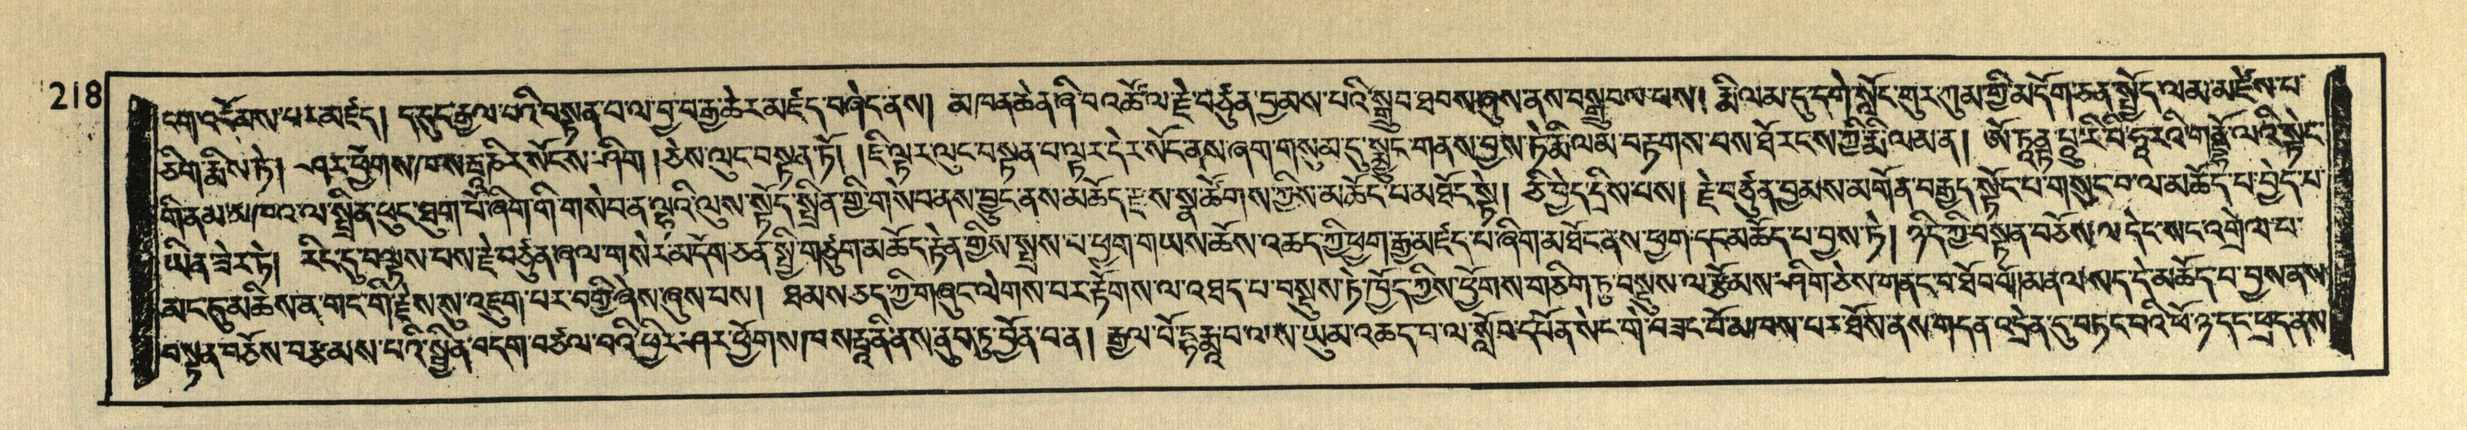ངག་འདོམས་པར་མཛད། ད་དུང་རྒྱལ་བའི་བསྟན་པ་ལ་བྱ་བ་རྒྱ་ཆེར་མཛད་བཞེང་ནས། མཁན་ཆེན་ཞི་བ་འཚོ་ལ་རྗེ་བཙུན་བྱམས་པའི་སྒྲུབ་ཐབས་ཞུས་ནས་བསྒྲུབས་པས། རྨི་ལམ་དུ་དགེ་སློང་གུར་ཀུམ་གྱི་མདོག་ཅན་སྤྱོད་ལམ་མཛེས་པ་
ཅིག་རྨིས་ཏེ། ཤར་ཕྱོགས་ཁ་སརྦཱ་ཎིར་སོངས་ཤིག །ཅེས་ལུང་བསྟན་ཏོ། །ཇི་ལྟར་ལུང་བསྟན་པ་ལྟར་དེར་སོང་ནས་ཞག་གསུམ་དུ་སྨྱུང་གནས་བྱས་ཏེ་རྨི་ལམ་བརྟགས་བས་ཐོ་རངས་ཀྱི་རྨི་ལམ་ན། ཨོ་ཏཱནྟ་པཱུ་རི་བི་དྷཱ་རའི་གནྡྷོ་ལའི་སྟེང་
གི་ནམ་མཁའ་ལ་སྤྲིན་ཕུང་ཐུག་པོ་ཞིག་གི་གསེབ་ན་ལྷའི་ལུས་སྟོད་སྤྲིན་གྱི་གསེབ་ནས་བྱུང་ནས་མཆོད་རྫས་སྣ་ཚོགས་ཀྱིས་མཆོད་པ་མཐོང་སྟེ། ཅི་བྱེད་དྲིས་པས། རྗེ་བཙུན་བྱམས་མགོན་བརྒྱད་སྟོང་པ་གསུང་བ་ལ་མཆོད་པ་བྱེད་པ་
ཡིན་ཟེར་ཏེ། རིང་དུ་བལྟས་པས་རྗེ་བཙུན་ཞལ་གསེར་མདོག་ཅན་སྤྱི་གཙུག་མཆོད་རྟེན་གྱིས་སྤྲས་པ་ཕྱག་གཡས་ཆོས་འཆད་ཀྱི་ཕྱག་རྒྱ་མཛད་པ་ཞིག་མཐོང་ནས་ཕྱག་དང་མཆོད་པ་བྱས་ཏེ། ཉིད་ཀྱི་བསྟན་བཅོས་ལ་དེང་སང་འགྲེལ་བ་
མང་དུ་མཆིས་ན་གང་གི་རྗེས་སུ་འཇུག་པར་བགྱི་ཞེས་ཞུས་པས། ཐམས་ཅད་ཀྱི་གཞུང་ལེགས་པར་རྟོགས་ལ་འཐད་པ་བསྡུས་ཏེ་ཁྱོད་ཀྱིས་ཕྱོགས་གཅིག་ཏུ་བསྡུས་ལ་རྩོམས་ཤིག་ཅེས་གནང་བ་ཐོབ་བོ། །མནལ་སད་དེ་མཆོད་པ་བྱས་ནས་
བསྟན་བཅོས་བརྩམས་པའི་སྦྱིན་བདག་བཙལ་བའི་ཕྱིར་ཤར་ཕྱོགས་ཁ་སརྦཱ་ནི་ནས་ནུབ་ཏུ་བྱོན་བ་ན། རྒྱལ་བོ་དྷརྨཱ་བ་ལས་ཡུམ་འཆད་པ་ལ་སློབ་དཔོན་སེང་གེ་བཟང་པོ་མཁས་པར་ཐོས་ནས་གདན་འདྲེན་དུ་བཏང་བའི་ཕོ་ཉ་དང་ཕྲད་ནས་